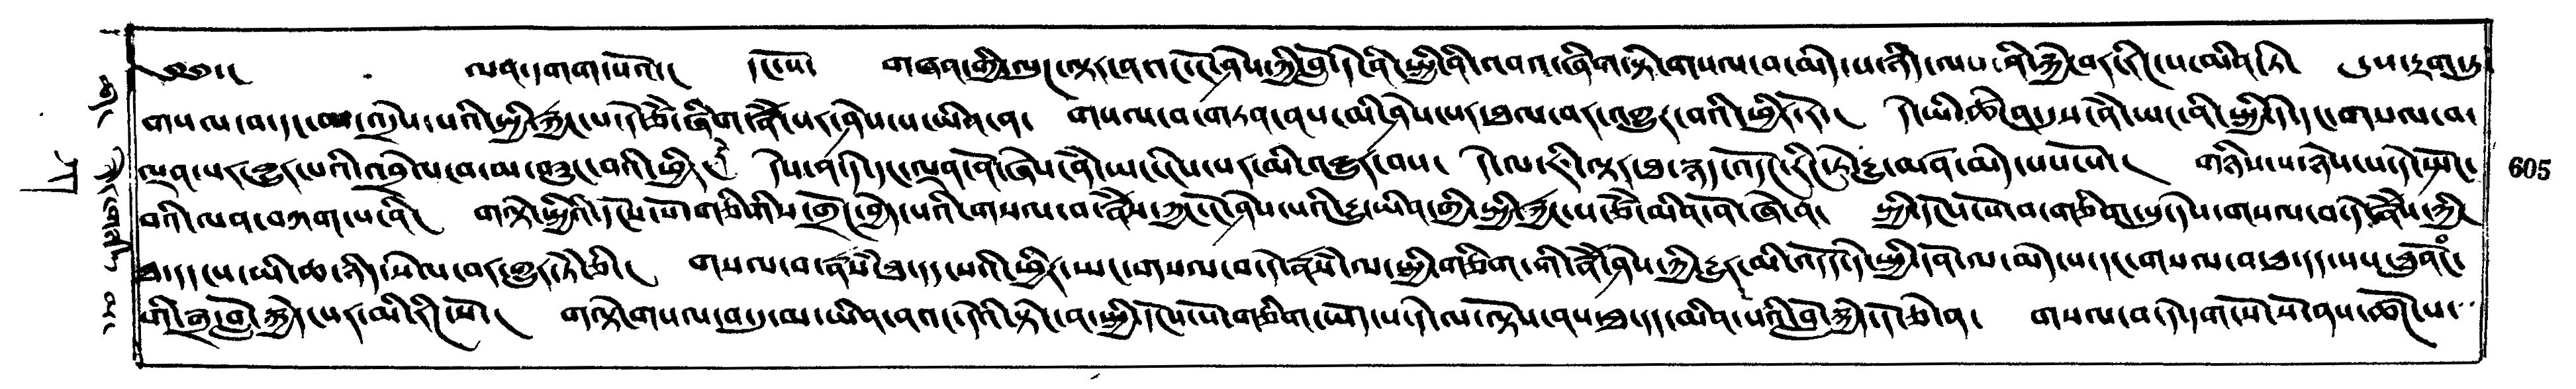ལན་དགག་པའོ།། དང་པོ། གཞན་གྱི་ལུགས་ལྟར་ནའང་ངོ་ཤེས་ཀྱི་བློ་དེ་ནི་སྤྱི་ནི་འབའ་ཞིག་སྟེ་གསལ་བ་མེད་པ་ཉིད་ལས་ནི་སྐྱེ་བར་རིགས་པ་མིན་ཏེ། དུས་རྟག་ཏུ་
གསལ་བ་དང་མ་འདྲེས་པའི་སྤྱི་རྐྱང་པ་དེ་ཙམ་ཞིག་རྣམ་པར་ཤེས་པ་ཡིན་ན། གསལ་བ་གཏན་ནས་མི་ཤེས་པར་ཐལ་བར་འགྱུར་བའི་ཕྱིར་རོ།། དེའི་ཚེ་ན་དུས་ནམ་ཡང་ནི་སྤྱི་དེ་དང་གསལ་བ་
ལྡན་པར་གྱུར་པའི་འབྲེལ་བ་མ་བཟུང་བའི་ཕྱིར་ཏེ། དེས་ན་དེ་དང་ལྡན་ནོ་ཞེས་ནམ་ཡང་ངེས་པར་མི་འགྱུར་བས། དེ་ལ་ཇི་ལྟར་ཐ་སྙད་འདོགས་རིགས་ཏེ་རྒྱུ་མཚན་མེད་པས་སོ།། གཉིས་པ་ཉེས་པ་དེ་སྤོང་
བའི་ལན་དགག་པ་ནི། གལ་ཏེ་སྤྱིའི་དངོས་པོ་གཅིག་གིས་གྲོགས་བྱཻད་པའི་གསལ་བ་རྣམས་ཀྱང་ངོ་ཤེས་པའི་རྒྱུ་ཡིན་གྱི་སྤྱི་རྐྱང་པ་ཙམ་མིན་ནོ་ཞེ་ན། སྤྱི་དངོས་པོ་བ་གཅིག་པུ་དེས་གསལ་བ་དེ་རྣམས་ཀྱི་
ཐ་དད་པའི་ཆ་ཉིད་སེལ་བར་གྱུར་ཏམ་ཅི། གསལ་བ་རྣམས་ཐ་དད་པའི་ཕྱིར་ཡང་གསལ་བ་དེ་རྣམས་ལ་སྤྱི་གཅིག་གི་རྣམ་ཤེས་ཀྱི་རྒྱུར་མི་འདོད་དེ་སྤྱི་དོན་ལ་མེད་པ་དང་གསལ་བ་ཐ་དད་པས་ཐུན་མོང་
གི་སྒྲ་བློ་སྐྱེད་པར་མི་རིགས་སོ།། གལ་ཏེ་གསལ་བ་དུ་མ་ཡིན་ནའང་དེའི་སྟེང་ན་སྤྱི་དངོས་པོ་གཅིག་ཡོད་པ་དེ་ལ་ལྟོས་ནས་ཐ་དད་མིན་པའི་བློ་སྐྱེད་དོ་ཞེ་ན། གསལ་བ་དེ་དག་སོ་སོ་ནས་ཚོགས་པ་